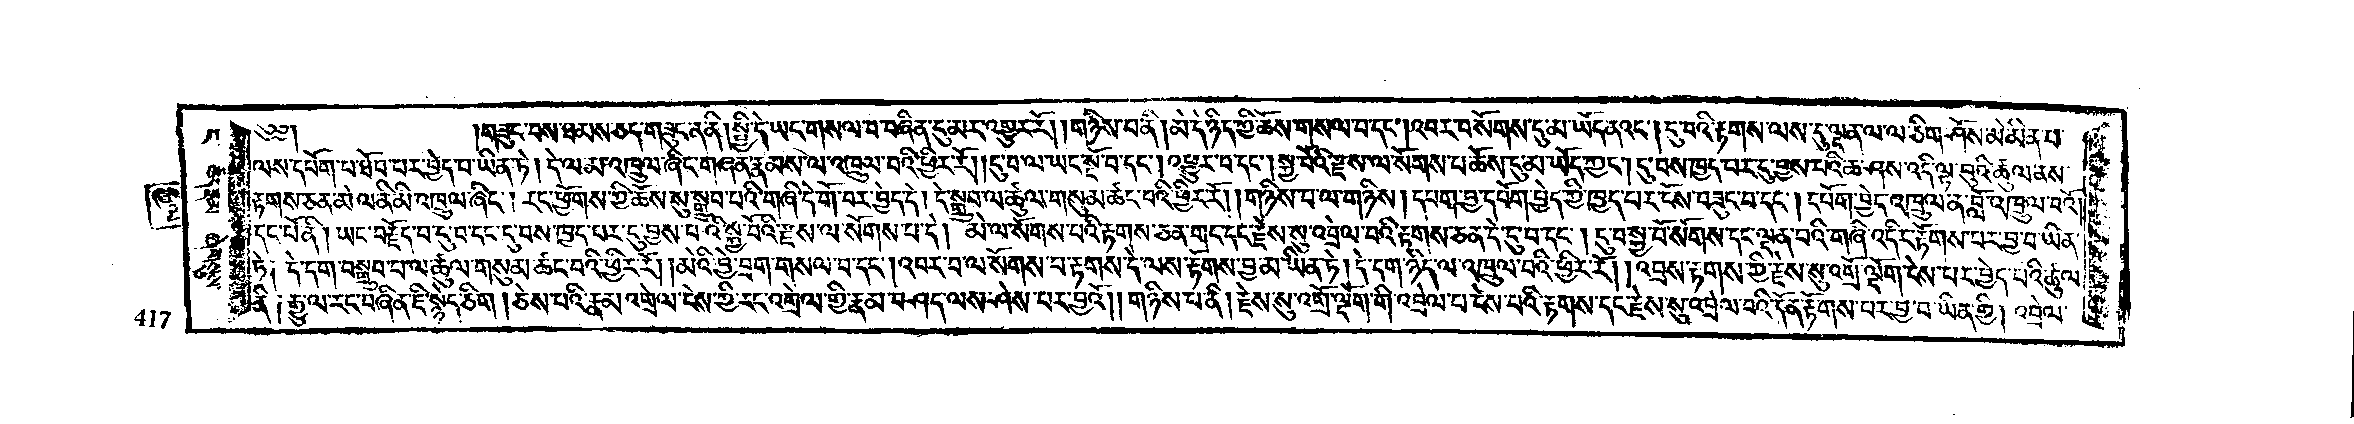༄༅། །གཟུང་བས་ཐམས་ཅད་གཟུང་ན་ནི། སྤྱི་དེ་ཡང་གསལ་བ་བཞིན་དུ་མར་འགྱུར་རོ། །གཉིས་པ་ནི། མེ་དེ་ཉིད་ཀྱི་ཆོས་གསལ་བ་དང་། འབར་བ་སོགས་དུ་མ་ཡོད་ནའང་། དུ་བའི་རྟགས་ལས་དུ་ལྡན་ལ་ལ་ཅིག་ཤོས་མེ་མིན་པ་
ལས་དཔོག་པ་ཐོབ་པར་བྱེད་པ་ཡིན་ཏེ། དེ་ལ་མ་འཁྲུལ་ཞིང་གཞན་རྣམས་ལ་འཁྲུལ་བའི་ཕྱིར་རོ། །དུ་བ་ལ་ཡང་སྔོ་བ་དང་། འཕྱུར་བ་དང་། སྐྱ་བོའི་རྫེས་ལ་སོགས་པ་ཆོས་དུ་མ་ཡོད་ཀྱང་། དུ་བས་ཁྱད་པར་དུ་བྱས་པའི་ཆ་ཤེས་འདི་ལྟ་བུའི་ཚུན་ནས་
རྟགས་ཅན་མེ་ལ་ནི་མི་འཁྲུལ་ཞིང་། རང་ཕྱོགས་ཀྱི་ཆོས་སུ་སྒྲུབ་པའི་གཞི་དེ་གོ་བར་བྱེད་དེ། དེ་སྒྲུབ་ལ་ཚུལ་གསུམ་ཚང་བའི་ཕྱིར་རོ། །གཉིས་པ་ལ་གཉིས། དཔག་བྱ་དཔོག་བྱེད་ཀྱི་ཁྱད་པར་ངོས་བཟུང་བ་དང་། དཔོག་བྱེད་འཁྲུལ་ན་བློ་འཁྲུལ་བའོ། །
དང་པོ་ནི། ཡང་བརྗོད་པ་དུ་བ་དང་དུ་བས་ཀྱད་པར་དུ་བྱས་པའི་སྐྱེ་བོའི་རྫས་ལ་སོགས་པ་དེ། མེ་ལ་སོགས་པའི་རྟགས་ཅན་གང་དང་རྗེས་སུ་འབྲེལ་བའི་རྟགས་ཅན་དེ་དུ་བ་དང་། དུ་བ་སྐྱ་བོ་སོགས་དང་ལྡན་པའི་གཞི་འདིར་རྟོགས་པར་བྱ་བ་ཡིན་
ཏེ༑ དེ་དག་བསྒྲུབ་པ་ལ་ཚུལ་གསུམ་ཚང་བའི་ཕྱིར་རོ། །མེའི་བྱེ་བྲག་གསལ་བ་དང་། འབར་བ་ལ་སོགས་པ་རྟགས་དེ་ལས་རྟོགས་བྱ་མ་ཡིན་ཏེ། དེ་དག་ཉིད་ལ་འཁྲུལ་བའི་ཕྱིར་རོ། །འབྲས་རྟགས་ཀྱི་རྗེས་སུ་འགྲོ་ལྡོག་ངེས་པར་བྱེད་པའི་པའི་ཚུལ་
ནི། རྒྱུ་ལ་རང་བཞིན་ཇི་སྙེད་ཅིག །ཅེས་པའི་རྣམ་འགྲེལ་ངེས་ཀྱི་རང་འགྲེལ་གྱི་རྣམ་བཤད་ལས་ཤེས་པར་བྱའོ། །གཉིས་པ་ནི། རྗེས་སུ་འགྲོ་ལྡོག་གི་འབྲེལ་པ་ངེས་པའི་རྟགས་དང་རྗེས་སུ་འབྲེལ་བའི་དོན་རྟོགས་པར་བྱ་བ་ཡིན་གྱི། འབྲེལ་